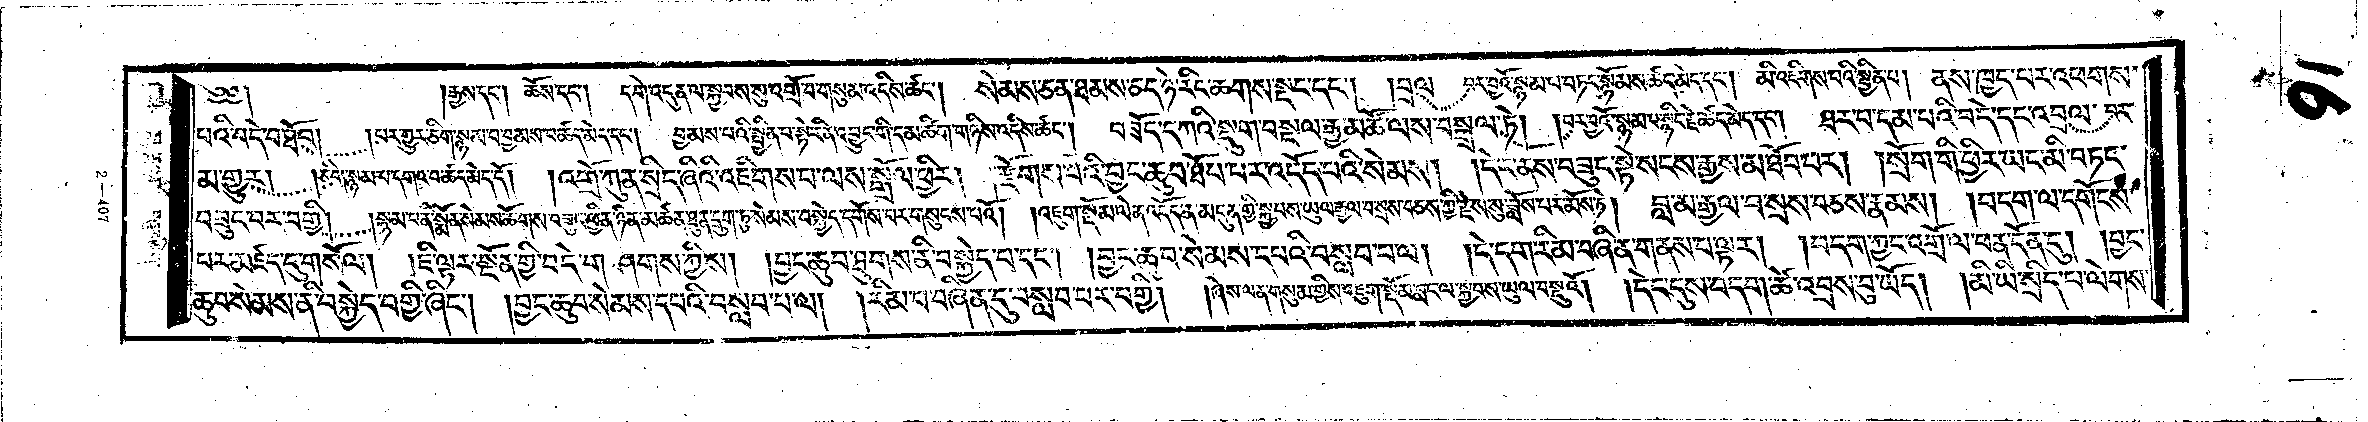༄༅། །རྒྱས་དང་། ཆོས་དང་། དགེ་འདུན་ལ་སྐྱབས་སུ་འགྲོ་བ་གསུམ་འདིས་ཚང་།  སེམས་ཅན་ཐམས་ཅད་ཉེ་རིང་ཆགས་སྡང་དང་། །བྲལ་བར་བྱའོ་སྙམ་པ་བཏང་སྙོམས་ཚད་མེད་དང་། མི་འཇིགས་པའི་སྦྱིན་པ། ནས་ཁྱད་པར་འཕགས་
པའི་བདེ་བ་ཐོབ། །པར་གྱུར་ཅིག་སྙམ་པ་བྱམས་པ་ཚད་མེད་དང་། བྱམས་པའི་སྦྱིན་པ་སྟེ་རིན་འབྱུང་གི་དམ་ཚིགས་གཉིས་འདིས་ཚང་། བཟོད་དཀའི་སྡུག་བསྔལ་རྒྱ་མཚོ་ལས་བསྒྲལ་ཏེ་།བར་བྱའོ་སྙམ་པ་སྙིང་རྗེ་ཚད་མེད་དང་།  ཐར་པ་དམ་པའི་བདེ་དང་འབྲལ་བར
མ་གྱུར། །ཅིག་སྙམ་པ་དགའ་བ་ཚད་མེད་དོ།  །འགྲོ་ཀུན་སྲིད་ཞིའི་འཇིགས་པ་ལས་སྒྲོལ་ཕྱིར། །རྫོགས་པའི་བྱང་ཆུབ་ཐོབ་པར་འདོད་པའི་སེམས། །དེང་ནས་བཟུང་སྟེ་སངས་རྒྱས་མ་ཐོབ་པར། །སྲོག་གི་ཕྱིར་ཡང་མི་བཏང་
བཟུང་བར་བགྱི། །སྙམ་པ་ནི་སྨོན་སེམས་ཚོགས་བཟུང་ཕྱིན་ཉིན་མཚན་ཐུན་དྲུག་ཏུ་སེམས་བསྐྱེད་དགོས་པར་གསུངས་པའོ། །འཇུག་སྡོམ་ལེན་འདོད་ན་མདུན་གྱི་སྐྱབས་ཡུལ་རྒྱལ་བ་སྲས་བཅས་ཀྱི་རྗེས་སུ་ཟློས་པར་མོས་ཏེ།  བླ་མ་རྒྱལ་བ་སྲས་བཅས་རྣམས། །བདག་ལ་དགོངས་
པར་མཛད་དུ་གསོལ། །ཇི་ལྟར་སྔོན་གྱི་བདེ་གཤགས་ཀྱིས། །བྱང་ཆུབ་ཐུགས་ནི་བསྐྱེད་པ་དང་། །བྱང་ཆུབ་སེམས་དཔའི་བསླབ་པ་ལ། །ཞེས་ལན་གསུམ་གྱིས་འཇུག་སྔ་བ་བླང་ལ་སྐྱབས་ཡུལ་བསྡུའོ།  །དེ་དག་རིམ་བཞིན་གནས་པ་ལྟར། །བདག་ཀྱང་འགྲོ་ལ་ཕན་དོན་དུ། །བྱང་
ཆུབ་སེམས་ནི་བསྐྱེད་བགྱི་ཞིང་། །བྱང་ཆུབ་སེམས་དཔའི་བསླབ་པ་ལ། །རིམ་པ་བཞིན་དུ་བསླབ་པར་བགྱི། །དེང་དུས་བདག་ཚེ་འབྲས་བུ་ཡོད། །མི་ཡི་སྲིད་པ་ལེགས་